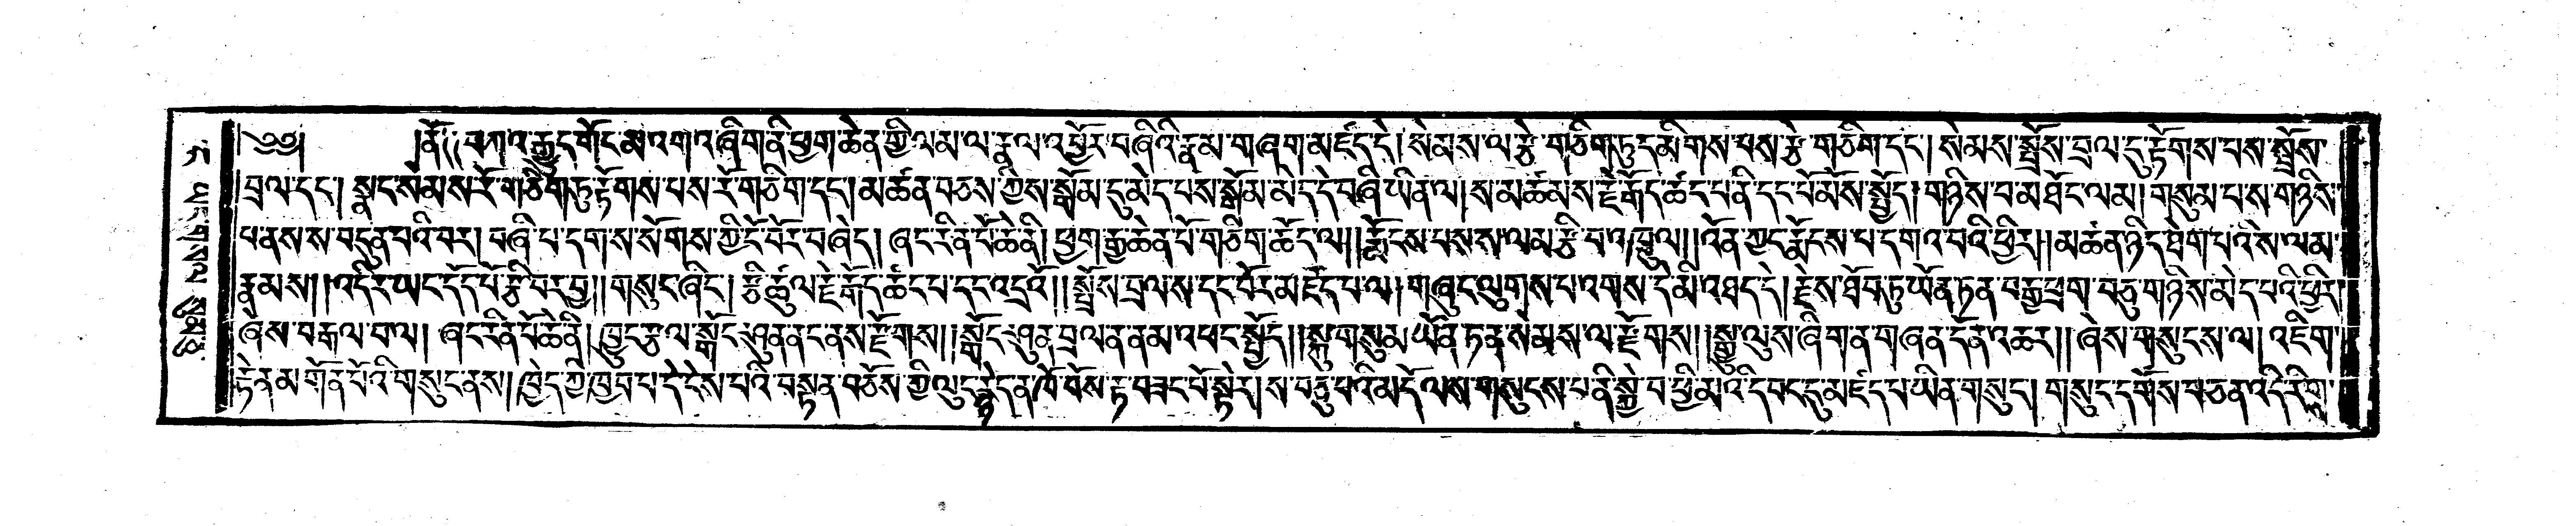༄༅། །ནོ། །བཀའ་རྒྱུད་གོང་མ་འགའ་ཞིག་ནི་ཕྱག་ཆེན་གྱི་ལམ་ལ་རྣལ་འབྱོར་བཞིའི་རྣམ་གཞག་མཛད་དེ། སེམས་ལ་རྩེ་གཅིག་ཏུ་དམིགས་པས་རྩེ་གཅིག་དང་། སེམས་སྤྲོས་བྲལ་དུ་རྟོགས་པས་སྤྲོས་
བྲལ་དང་། སྣང་སེམས་རོ་གཅིག་ཏུ་རྟོགས་པས་རོ་གཅིག་དང་། མཚན་བཅས་ཀྱིས་སྒོམ་དུ་མེད་པས་སྒོམ་མེད་དེ་བཞི་ཡིན་ལ། ས་མཚམས་རྗེ་རྒོད་ཚང་པ་ནི་དང་པོ་མོས་སྤྱོད། གཉིས་པ་མཐོང་ལམ། གསུམ་པས་གཉིས་
པ་ནས་ས་བདུན་པའི་བར། བཞི་པ་དག་ས་སོགས་ཀྱི་ངོ་བོར་བཞེད། ཞང་རིན་པོ་ཆེ་ནི། ཕྱག་རྒྱ་ཆེན་པོ་གཅིག་ཆོད་ལ། །རྨོངས་པས་ས་ལམ་རྩི་བ་འཁྲུལ། །འོན་ཀྱང་རྨོངས་པ་དགའ་བའི་ཕྱིར། །མཚན་ཉིད་ཐེག་པའི་ས་ལམ་
རྣམས། །འདིར་ཡང་དོད་པོ་རྩི་བར་བྱ། །གསུང་ཞིང་། རྩི་ཚུལ་རྗེ་རྒོད་ཚང་པ་དང་འདྲའོ། །སྤྲོས་བྲལ་ས་དང་པོར་མཛད་པ་ལ། གཞུང་ལུགས་པ་འགས་དེ་མི་འཐད་དེ། རྗེས་ཐོབ་ཏུ་ཡོན་ཏན་བརྒྱ་ཕྲག་བཅུ་གཉིས་མེད་པའི་ཕྱིར་
ཞེས་བརྒལ་བ་ལ། ཞང་རིན་པོ་ཆེ་ནི། ཁྱུང་རྩལ་སྒོང་ཤུན་ནང་ནས་རྫོགས། །སྒོང་ཤུན་བྲལ་ན་ནམ་འཕང་སྤྱོད། །སྐུ་གསུམ་ཡོན་ཏན་སེམས་ལ་རྫོགས། །སྒྱུ་ལུས་ཞིག་ན་གཞན་དོན་འཆར། །ཞེས་གསུངས་ལ། འཇིག་
རྟེན་མགོན་པོའི་གསུང་ནས། ཁྱེད་ཀྱི་ཁྱབ་པ་དེ་ངེས་པའི་བསྟན་བཅོས་ཀྱི་ལུང་རྙེད་ན་ཁོ་བོས་རྟ་བཟང་པོ་སྟེར། ས་བཅུ་པའི་མདོ་ལས་གསུངས་པ་ནི་སྐྱེ་བ་ཕྱི་མའི་དབང་དུ་མཛད་པ་ཡིན་གསུང་། གསུང་དགོས་པ་ཅན་འདི་རིགས་